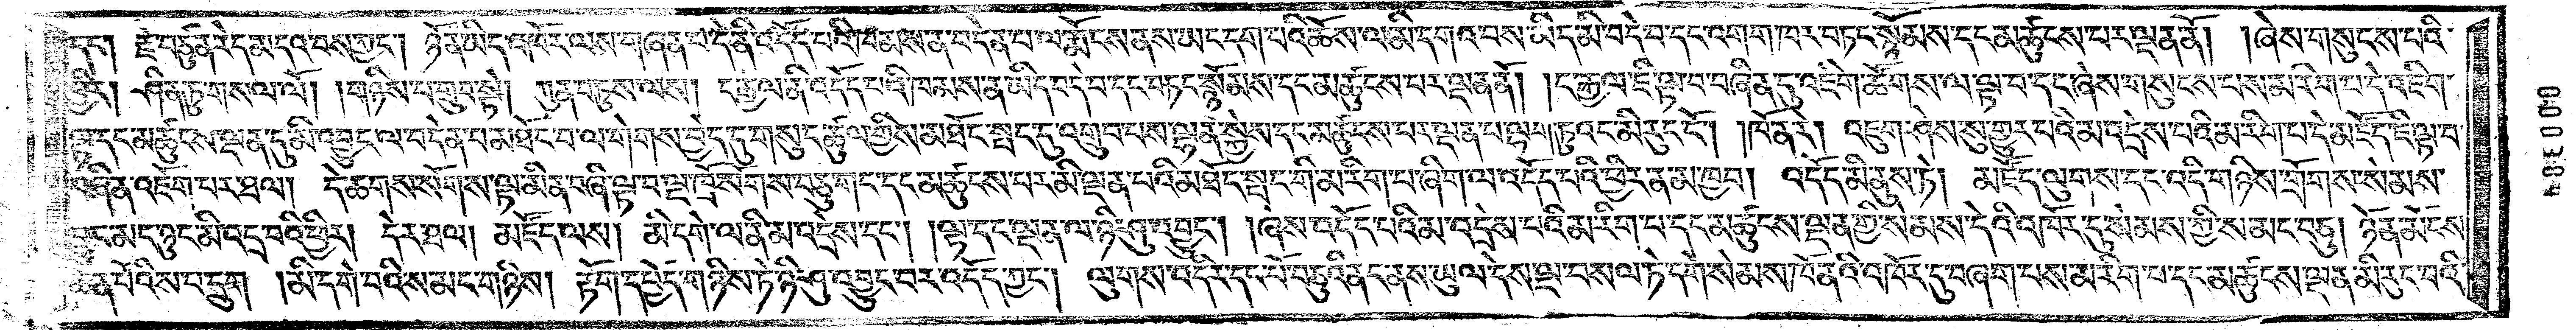དང་། རྗེ་བཙུན་རེད་མདའ་བས་ཀྱང་། ཉོན་ཡིད་འཁོར་ལས་གཞན་པ་དེ་ནི་འདོད་པའི་ཁམས་ན་བདེན་པ་ལ་རྨོངས་ནས་ཡང་དག་པའི་ཆོས་ལ་མི་དགའ་བས་ཡིད་མི་བདེ་བ་དང་འགག་ཁར་བཏང་སྙོམས་དང་མཚུངས་པར་ལྡན་ནོ། །ཞེས་གསུངས་པའི་
ཕྱིར། ཤིན་ཏུ་གསལ་ལོ། །གཉིས་པ་གྲུབ་སྟེ། ཀུན་བཏུས་ལས། ང་རྒྱལ་ནི་འདོད་པའི་ཁམས་ན་ཡིད་བདེ་བ་དང་བཏང་སྙོམས་དང་མཚུངས་པར་ལྡན་ནོ། །ང་རྒྱལ་ཇི་ལྟ་བ་བཞིན་དུ་འཇིག་ཚོགས་ལ་ལྟ་བ་དང་ཞེས་གསུངས་པས་མ་རིག་པ་དེ་འཇིག་
ལྟ་དང་མཚུངས་ལྡན་དུ་མི་འབྱུང་ལ་བདེན་པ་མཐོང་བ་ལ་གེགས་བྱེད་དུ་གསུང་ཚུལ་གྱིས་མཐོང་སྤང་དུ་འགྲུབ་པས་ལྷན་སྐྱེས་དང་མཚུངས་ཡར་ལྡན་པ་ལྷག་ཏུའང་མི་རུང་ངོ། །ཁོ་ན་རེ། འཇུག་ཤེས་སུ་གྱུར་པའི་མ་འདྲེས་པའི་མ་རིག་པ་དེ་མཛོད་ཇི་ལྟ་བ་
བཞིན་འཇོག་པར་ཐལ། དེ་ཆགས་སོགས་ལྟ་མིན་བཞི་ལྟ་བ་ལྔ་ཁྲོ་སོགས་བཅུ་གང་དང་མཚུངས་པར་མི་ལྡན་པའི་མཐོང་སྤོང་གི་མ་རིག་པ་ཞིག་ལ་འདོད་པའི་ཕྱིར་ན་མ་ཁྱབ། འདོད་མི་ནུས་ཏེ། མཛོད་ལུགས་དང་འདི་གཉིས་གྲོགས་སེམས་
བྱུང་མང་ཉུང་མི་འདྲ་བའི་ཕྱིར། དེར་ཐལ། མཛོད་ལས། མི་དགེ་ལ་ནི་མ་འདྲེས་དང་། །ལྟ་དང་ལྡན་ལ་ཉི་ཤུ་འབྱུང་། །ཞེས་འདོད་པའི་མ་འདྲེས་པའི་མ་རིག་པ་དང་མཚུངས་ལྡན་གྱི་སེམས་དེའི་འཁོར་དུ་སེམས་ཀྱི་ས་མང་བཅུ། ཉོན་མོངས་
ཆེན་པོའི་ས་བ་དྲུག །མི་དགེ་བའི་ས་མང་གཉིས། རྟོག་དཔྱོད་གཉིས་ཏེ་ཉི་ཤུ་འབྱུང་བར་འདོད་ཀྱང་། ལུགས་འདིར་དང་པོ་བཅུའི་ནང་ནས་ཡུལ་དེས་ལྔ་བསལ་ཏེ་དགེ་སེམས་ཁོ་ནའི་འཁོར་དུ་བཞག་པས་མ་རིག་པ་དང་མཚུངས་ལྡན་མི་རུང་བའི་